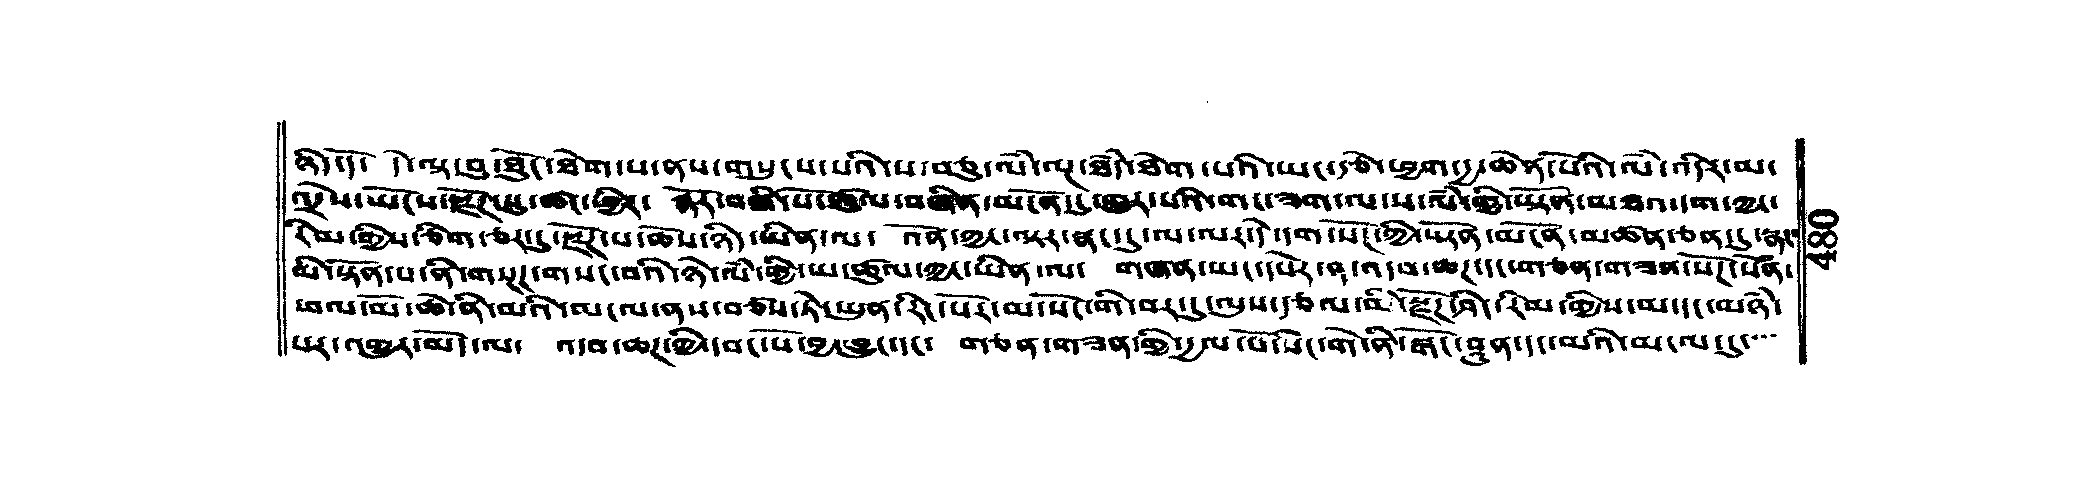ཉིད་དོ། དེ་ལྟ་བུ་ཐུན་མོང་ཐེག་པ་ནས་གསུངས་པའི་ས་བཅུ་ལམ་ལྔ་ཐམས་ཅད་ཐེག་པའི་ཡང་རྩེ་ཕྱག་རྒྱ་ཆེན་པོའི་ལམ་འདིར་མ་
འདྲེས་ཡོངས་རྫོགས་སུ་ཚང་ཕྱིར། རྣལ་འབྱོར་བཞི་པོ་ཚུལ་བཞིན་མངོན་དུ་གྱུར་པའི་གང་ཟག་ལ་ས་ལམ་གྱི་ཡོན་ཏན་མཐའ་དག་ཀྱང་
རིམ་གྱིས་དང་ཅིག་ཅར་དུ་རྫོགས་པ་ཆོས་ཉིད་ཡིན་ལ། འོན་ཀྱང་ལྟར་སྣང་དུ་ལ་ལར་དེ་དག་སོགས་ཀྱི་ཡོན་ཏན་མངོན་མཚན་ཅན་དུ་སྣང་
མི་སྟོན་པ་ནི་གསང་སྔགས་གསང་བའི་ཉེ་ལམ་གྱི་ཡ་ཚུལ་ཀྱང་ཡིན་ལ། གཞན་ཡང་དཔེར་ན་འདབ་ཆགས་དང་གཅན་གཟན་སོགས་སེམས་ཅན་
ཕལ་མོ་ཆེ་ནི་མའི་མངལ་ནས་བཙས་ཏེ་ཡུན་རིང་པོར་མ་སོང་གི་བར་དུ་ལུས་རྩལ་མི་རྫོགས་ཤིང་རིམ་གྱིས་མ་དང་མཉམ་
པར་འགྱུར་མོད་ལ། འདབ་ཆགས་ཀྱི་དབང་པོ་བྱ་ཁྱུང་དང་། གཅན་གཟན་གྱི་རྒྱལ་པོ་སེངྒེ་ནི་སྒོང་ཤུན་དང་མའི་མངལ་དུ་